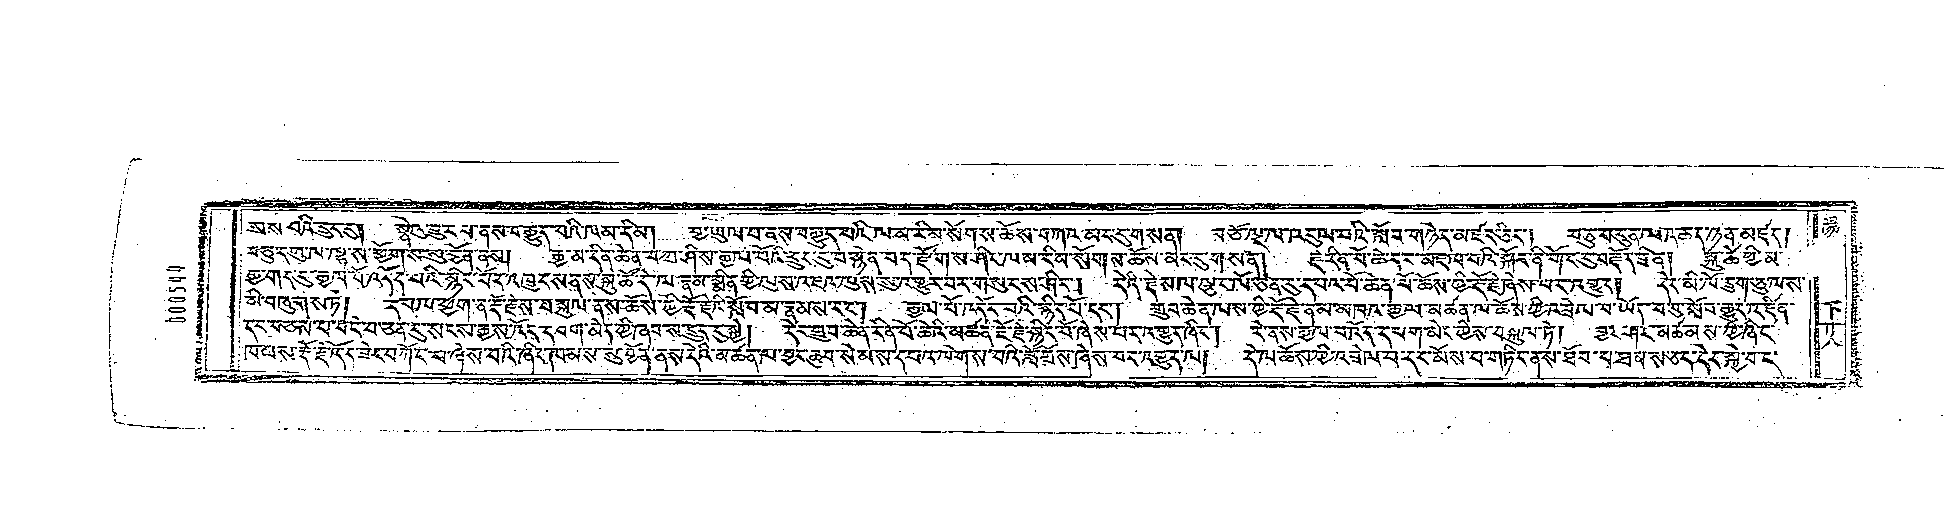སྲས་བའི་དྲུང་དུ། སྣེའུ་ཟུར་པ་ནས་བརྒྱུད་པའི་ལམ་རིམ། བྱ་ཡུལ་བ་ནས་བརྒྱུད་པའི་ལམ་རིམ་སོགས་ཆོས་བཀའ་མང་དུ་གསན། བཅོ་ལྔ་ལ་འདུལ་བའི་སློབ་གཉེར་མཛད་ཅིང་། བཅུ་བདུན་ལ་འཆད་ཉན་མཛད།
བཅུ་དགུ་ལ་ལྷ་ས་ཕྱོགས་སུ་བྱོན་ནས། རྒྱ་མ་རིན་ཆེན་བཀྲ་ཤིས་རྒྱལ་པོའི་དྲུང་དུ་བསྙེན་བར་རྫོགས་ཤིང་ལམ་རིམ་སོགས་ཆོས་མང་དུ་གསན། རྗེ་རིན་པོ་ཆེ་དང་མཇལ་བའི་སྐོར་ནི་གོང་དུ་བརྗོད་ཟིན། སྐུ་ཚེ་ཕྱི་མ་
རྒྱ་གར་དུ་རྒྱལ་པོ་འདོད་པའི་སྙིང་པོར་འཁྲུངས་ནས་སྐུ་ཚེ་དེ་ལ་རྣམ་སྨིན་གྱི་ལུས་འཇའ་ལུས་སུ་འགྱུར་བར་གསུངས་ཤིང་། དེའི་རྗེས་ལ་ལྕང་ལོ་ཅན་དུ་དཔའ་བོ་ཆེན་པོ་ཆོས་ཀྱི་རྡོ་རྗེ་ཞེས་པར་འགྱུར། དེང་མི་ལོ་དྲུག་ཅུ་ལས་
མི་བཞུགས་ཏེ། དཔལ་ཕྱག་ན་རྡོ་རྗེས་བསྐུལ་ནས་ཆོས་ཀྱི་རྡོ་རྗེའི་སློབ་མ་རྣམས་དང་། རྒྱལ་པོ་འདོད་བའི་སྙིང་པོ་དང་། གྲུབ་ཆེན་ལས་ཀྱི་རྡོ་རྗེ་ནམ་མཁའ་རྒྱལ་མཚན་ལ་ཆོས་ཀྱི་འབྲེལ་བ་ཡོད་པ་བུ་སློབ་རྒྱུད་འཛིན་
དང་བཅས་པ་བདེ་བ་ཅན་དུ་སངས་རྒྱས་འོད་དཔག་མེད་ཀྱི་ཞབས་དྲུང་དུ་སྐྱེ། དེར་གྲུབ་ཆེན་རིན་པོ་ཆེའི་མཚན་རྡོ་རྗེ་སྙིང་པོ་ཞེས་པར་འགྱུར་ཞིང་། དེ་ནས་རྒྱལ་བ་འོད་དཔག་མེད་ཀྱིས་བསྐུལ་ཏེ། བྱང་ཤར་མཚམས་ཀྱི་ཞིང་
ཁམས་རྡོ་རྗེ་འོད་ཟེར་བཀོད་པ་ཞེས་བའི་ཞིང་ཁམས་སུ་བྱོན་ནས་དེའི་མཚན་ལ་བྱང་ཆུབ་སེམས་དཔའ་ལེགས་པའི་བློ་གྲོས་ཞེས་པར་འགྱུར་ལ། དེ་ལ་ཆོས་ཀྱི་འབྲེལ་བ་དང་མོས་པ་གཏིང་ནས་ཐོབ་པ་ཐམས་ཅད་དེར་སྐྱེ་བར་